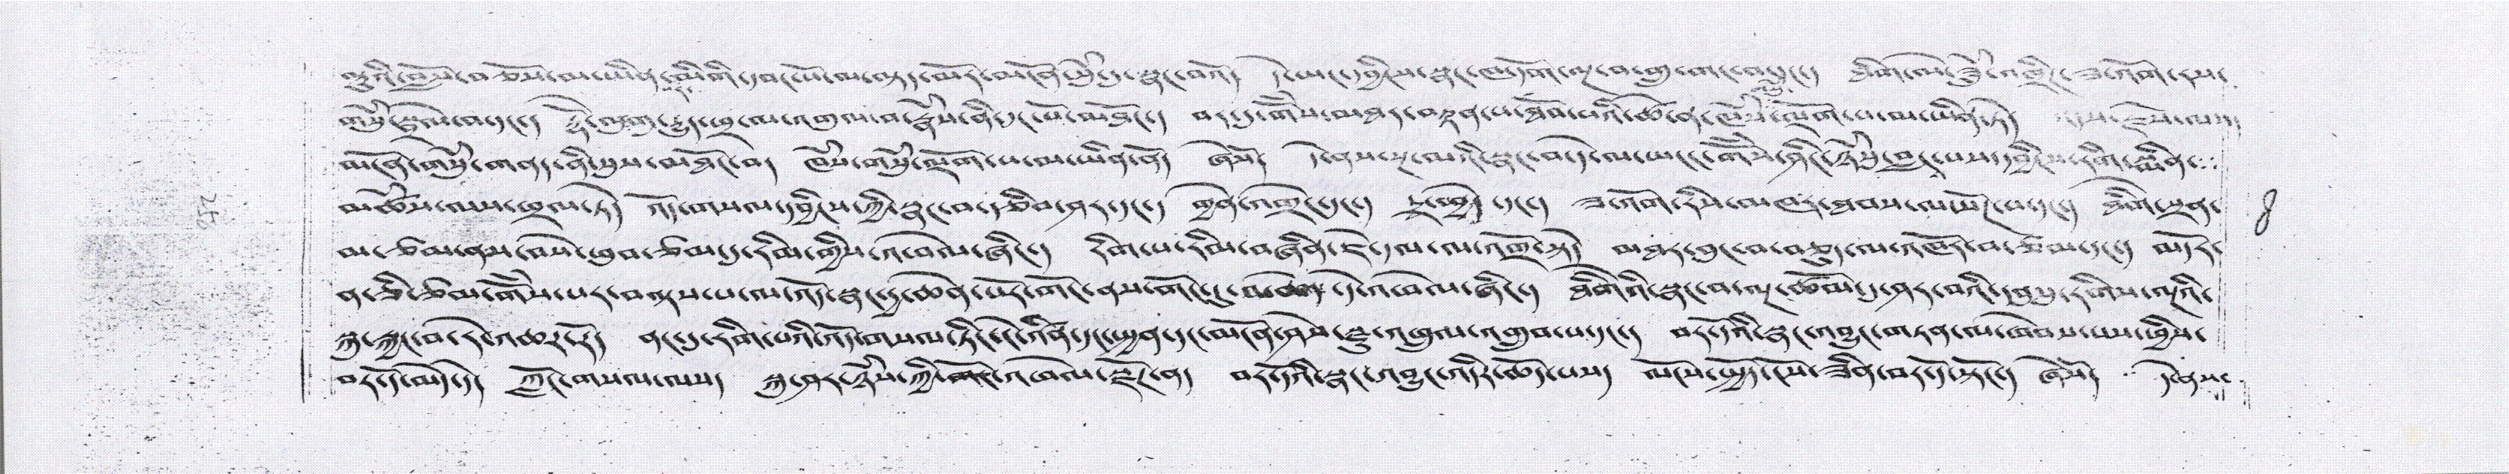ལྟ་བུའི་བློས་བཅོས་མ་ཡིན་པར་མིག་གི་དབང་པོ་ལ་ལྟད་མོར་མངོན་སུམ་དུ་སྣང་བའོ། དེ་ཡང་དབྱིངས་སྣང་ཁ་དོག་ལྔ་བ་གྲུབ་གང་བ་དང། ཐིག་ལེ་ཟླུམ་འཁྲིགས་ཟ་འོག་རས་
གསུམ་སྦྲེལ་བ་དང། རྡོ་རྗེ་ལུ་གུ་རྒྱུད་ཕྲ་ལ་འགུལ་བ་རྣམས་ནི་དང་པོ་མཐོང། བར་དུ་གོམས་མཐར་བརྟན་པ་ཐོབ་པའི་ཚེ་ན་ཁམས་གསུམ་ལྡོག་པ་མ་ཡིན་ཏེ། འདས་རྗེས་ལས། 
མངོན་གསུམ་གནད་ནི་སུས་མཐོང་བ། ཁམས་གསུམ་ལྡོག་པ་མ་ཡིན་ནོ། ཞེས་སོ། དེ་ནས་སྔ་མའི་སྣང་བ་དེ་ལཡང་ཡང་གོམས་ཤིང་ཉམས་སུ་བླང་པས་དབྱིངས་རིག་སྨིན་
མཚམས་ལས་ཕྲལ་ཏེ། འོད་གསལ་དབྱིངས་ཀྱི་སྣང་བ་རྩིབ་ཤར་དང། གྱེན་འགྲེང་དང། དྲྭ་ཕྱེད་དང། ཟ་འོག་རིས་མཁར་ཐབས་ལ་སོགས་པ་དང། ཐིག་ལེ་སྲན་
མ་ཙམ་ནས་བསེ་ཕུབ་ཙམ་དུ་རིམ་གྱིས་འཕེལ་ཞིང། རིག་པ་རིམ་བཞིན་ཇེ་དལ་ལ་འགྲོ་སྟེ། མཐར་བུང་བ་བཅུད་ལ་འཁོར་བ་ཙམ་དང། མདོར་
ན་ཅི་ཙམ་གོམས་པར་བལྟས་པ་ལ་འོད་སྣང་རྒྱ་ཆེན་པོ་གོང་ནས་གོང་དུ་མཆེད་དེ་འཕེལ་ཞིང། ཐིག་ལེའི་སྣང་བ་ལྔ་ཚོམ་དུ་ཤར་བའི་དབུས་སུ་རིགས་ལྔའི་
སྐུ་རྐྱང་བ་རེ་འཆར་རོ། ནང་དུ་རིག་པའི་འོད་གསལ་ཏིང་ངེ་འཛིན་དང་སྤྱན་དང་མངོན་ཤེས་རྫུ་འཕྲུལ་འགྲུབ་པ་དང། བར་དོའི་སྣང་འབྱུང་གཏན་ལ་ཕེབས་པས་ཕྱིས་
བར་དོ་མེད་དེ། ཀློང་གསལ་ལས། སྐུ་ཤར་ཉམས་ཀྱི་གོང་འཕེལ་རྫོགས་ན། བར་དོའི་སྣང་འབྱུང་འདིར་ཆོད་པས། ལོངས་སྤྱོད་ངོས་ཟིན་བར་དོ་སྟོང། ཞེས་སོ། དེ་ནས་